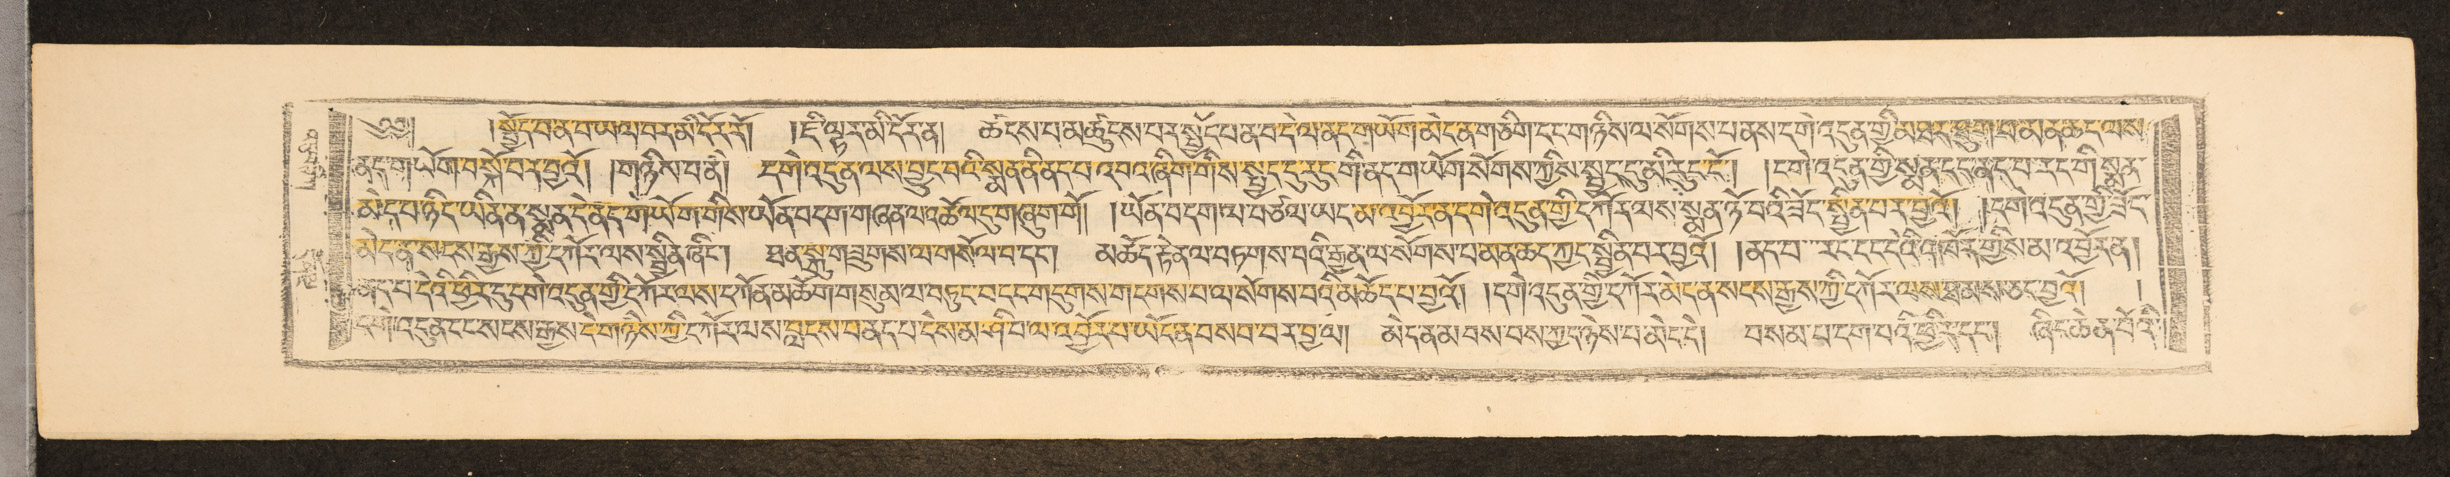༄༅། །སྤྱོད་པ་ན་བ་ཡལ་བར་མི་དོར་རོ། །ཇི་ལྟར་མི་དོར་ན། ཚངས་པ་མཚུངས་པར་སྤྱོད་པ་ན་བ་དེ་ལ་ནད་གཡོག་མེད་ན་གཅིག་དང་གཉིས་ལ་སོགས་པ་ནས་དགེ་འདུན་གྱི་མཐར་ཐུག་པ་མན་ཆད་ལས་
ནད་གཡོག་བསྐོ་བར་བྱའོ། །གཉིས་པ་ནི། དགེ་འདུན་ལས་བྱུང་བའི་སྨན་ནི་ནད་པ་འབའ་ཞིག་གིས་སྤྱད་དུ་རུང་གི་ནད་གཡོག་སོགས་ཀྱིས་སྤྱད་དུ་མི་རུང་ངོ། །དགེ་འདུན་གྱི་སྨན་དང་ནད་པ་རང་གི་སྨན་
མེད་པ་ཉིད་ཡིན་ན་སྨན་དེ་ནད་གཡོག་གིས་ཡོན་བདག་གཞན་ལ་འཚོལ་དུ་གཞུག་གོ། །ཡོན་བདག་ལ་བཙལ་ཡང་མ་འབྱོར་ན་དགེ་འདུན་གྱི་དཀོར་ལས་སྨན་ཉོ་བའི་ཟོད་སྦྱིན་པར་བྱའོ། །དགེ་འདུན་གྱི་ཟོད་
མེད་ན་སངས་རྒྱས་ཀྱི་དཀོར་ལས་སྦྱིན་ཞིང་། ཐ་ན་སྐུ་གཟུགས་ལ་གསོལ་བ་དང་། མཆོད་རྟེན་ལ་བཏགས་པའི་རྒྱན་ལ་སོགས་པ་མན་ཆད་ཀྱང་སྦྱིན་པར་བྱའོ། །ནང་པ་རང་དང་དེའི་འཁོར་གྱིས་མ་འབྱོར་ན།
ནང་པ་དེའི་ཕྱིར་དུ་དགེ་འདུན་གྱི་དཀོར་ལས་དཀོན་མཆོག་གསུམ་ལ་བཏུང་བ་དང་གདུགས་གདགས་པ་ལ་སོགས་པའི་མཆོད་པ་བྱའོ། །དགེ་འདུན་གྱི་དཀོར་མེད་ན་སངས་རྒྱས་ཀྱི་དཀོར་ལས་ཐམས་ཅད་བྱའོ། །
དགེ་འདུན་དང་སངས་རྒྱས་དེ་གཉིས་ཀྱི་དཀོར་ལས་བླངས་པ་ནད་པ་དེ་ས་མ་ཤི་བ་ལ་འབྱོར་པ་ཡོད་ན་བསབ་བར་བྱ་ལ། མེད་ན་མ་བསབས་ཀྱང་ཉེས་པ་མེད་དེ། བསམ་པ་དག་པའི་ཕྱིར་དང་། ཞིང་ཆེན་པོའི་